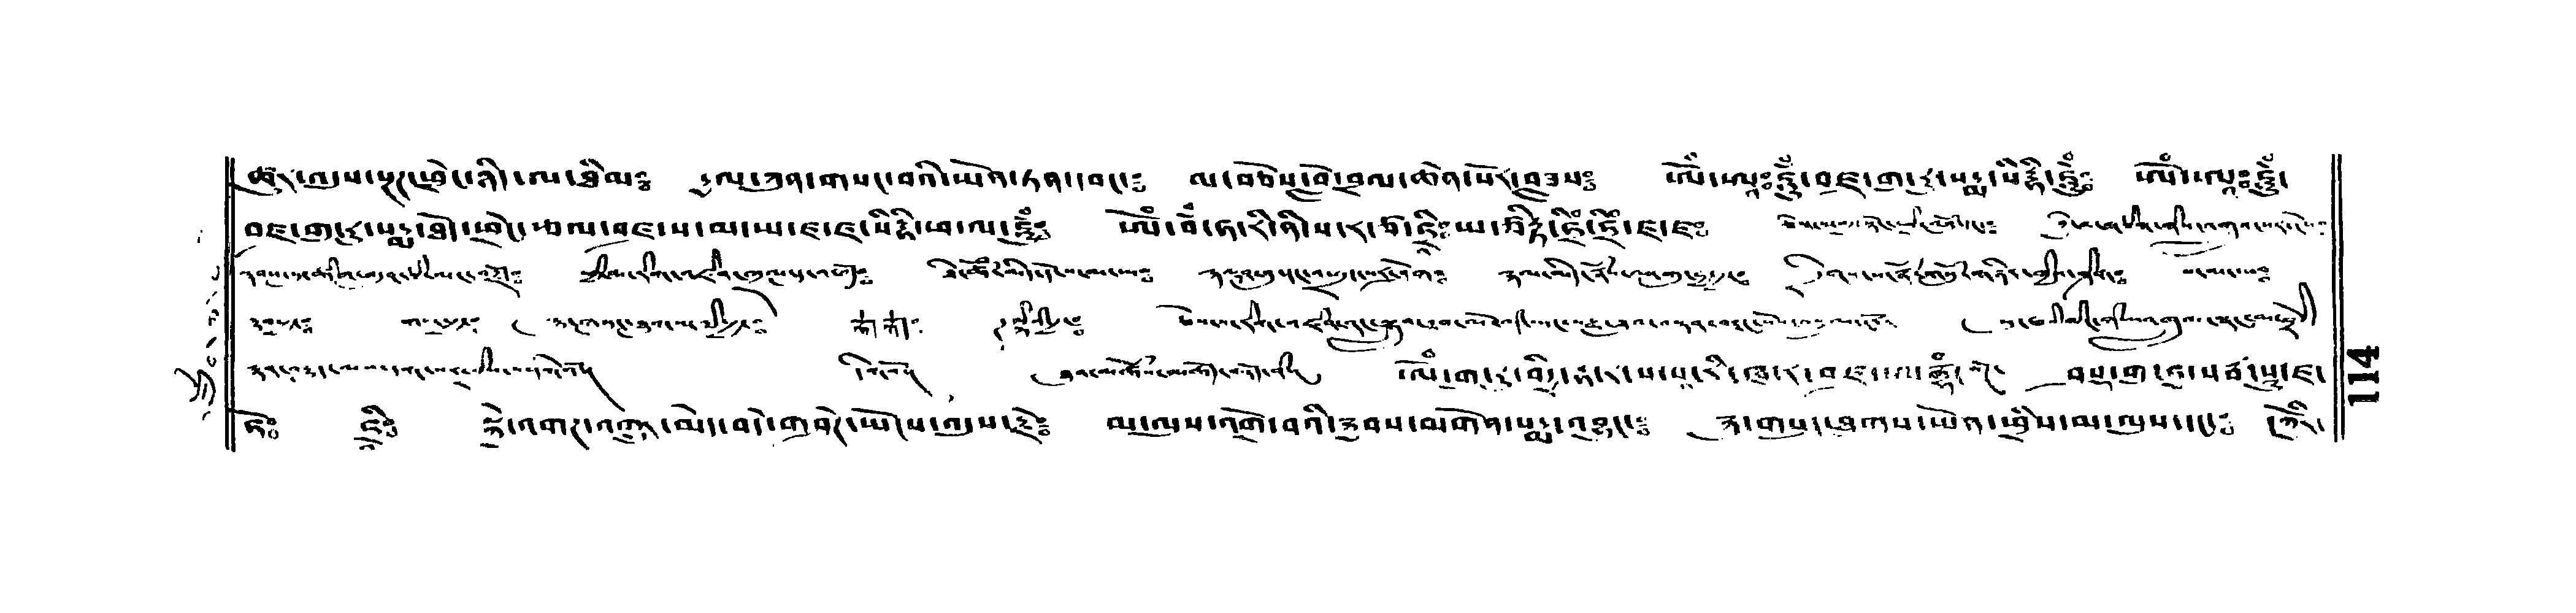ཚུར་འདུས་སྔགས་ཕྲེང་ཉིད་ལ་ཐིམ༔ རྒྱལ་ཀུན་གསང་བའི་ཡོན་ཏན་དབང༔ མ་བཅོས་བློ་བྲལ་ཆེན་པོར་བཟླས༔ ཨོཾ་ཨཱཿཧཱུྃ་བཛྲ་གུ་རུ་པདྨ་སིདྡྷི་ཧཱུྃ༔ ཨོཾ་ཨཱཿཧཱུྃ་བ
ཛྲ་གུ་རུ་པདྨ་ཐོད་ཕྲེང་རྩལ་བཛྲ་ས་མ་ཡ་ཛ་ཛ་སིདྡྷི་ཕ་ལ་ཧཱུྃ༔ ཨོཾ་བྃ་ཧ་རི་ར་ཙ་ཧྲཱིཿཡ་ཙིཏྟ་ཧྲིཾ་ཧྲིཾ་ཛ་ཛཿ ཅེས་པ་བརྒྱ་སྟོང་ཁྲི་འབུམ་དང༔ བྱེ་བ་གཅིག་གིས་འགྲུབ་པར་ངེས༔ 
སྐབས་སུ་ཚིག་བདུན་ཅི་མང་བརྗོདཿཕྱི་ལ་རིག་འཛིན་གྲལ་དུ་འཁོད༔ ཐེ་ཚོམ་མེད་དོ་ས་མ་ཡ༔ སྐལ་ལྡན་བུ་དང་འཕྲད་པར་ཤོག༔ སྐལ་མེད་རྣམས་ལ་གུ་ཧྱ་རྒྱ༔ དྲེགས་པ་རྣམ་གསུམ་གཉེན་གྱིས་ཤིག༔ ས་མ་ཡ༔ 
ཟབ་རྒྱ༔ གསང་རྒྱ༔ སྐུ་གསུང་ཐུགས་ཀྱི་རྒྱ༔ ཌཱཀྐིའི་རྒྱ༔ ཞེས་པ་རིག་འཛིན་ནང་སྒྲུབ་ཟབ་མོ་འདི་ཡང་པདྨ་ཐུབ་བསྟན་བཟང་པོས་བསྐུལ་ངོར༔ སུ་ཁའི་མིང་གིས་འཁྲུལ་སྣང་མཁའ་འགྲོའི་
སྙན་བརྒྱུད་ལས་དག་པར་བྲིས་པ་དགེའོ།། ཐུན་མཚམས་མཆོད་བསྟོད་ནི༔ ཨོཾ་གུ་རུ་བིདྱཱ་དྷ་ར་ས་པཱ་རི་ཝ་ར་བཛྲ་ཨརྒྷཾ༴ སོགས༔ ཤབྡ་གུ་རུ་སརྦ་པཱུ་ཛ་
ཧོཿ ཧྲཱིཿ སྐྱེ་འགག་འགྱུར་མེད་བདེ་གཤེགས་ཡོངས་འདུས་རྗེ༔ མ་ལུས་འགྲོ་བའི་སྐྱབས་མགོན་པདྨ་འབྱུང༔ སྐུ་གསུང་ཐུགས་ཡོན་ཕྲིན་ལས་མ་ལུས་དང༔ དཀྱིལ་འཁོར་